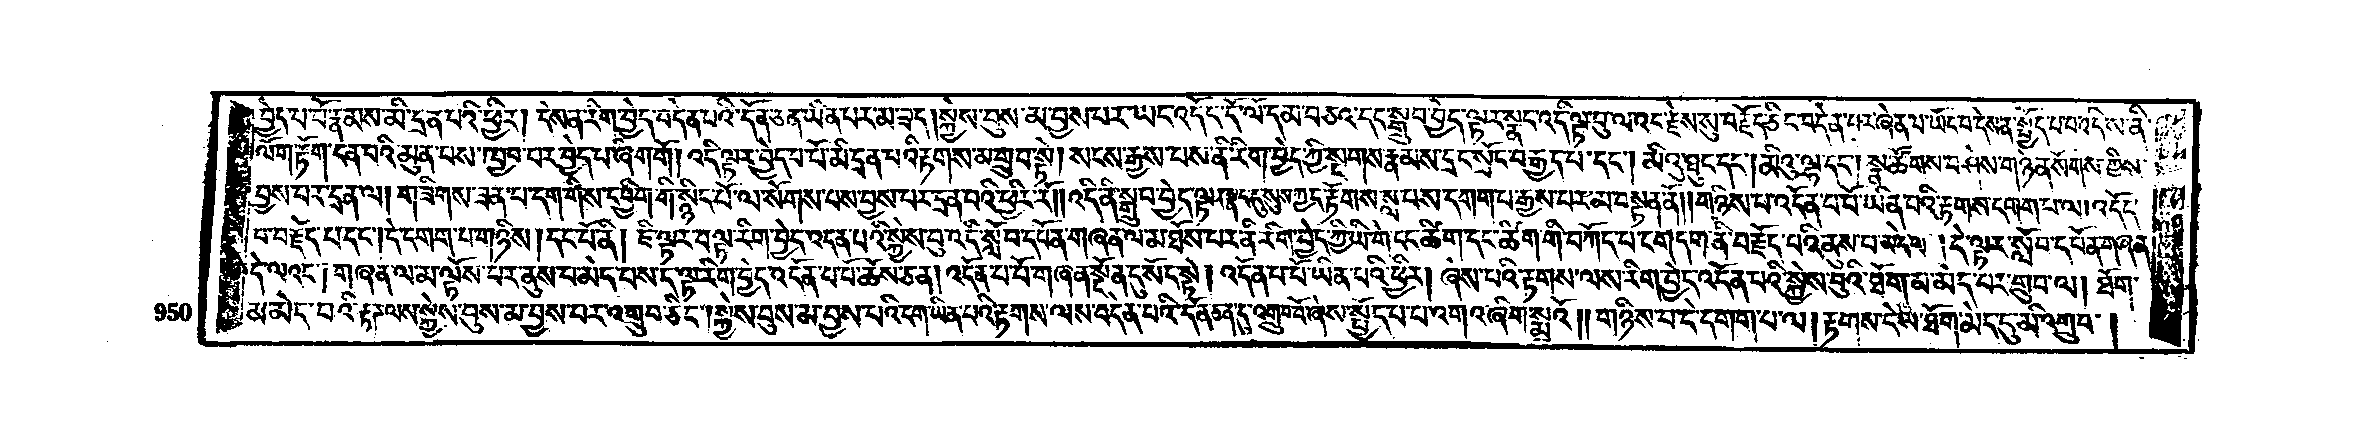བྱེད་པ་པོ་རྣམས་མི་དྲན་པའི་ཕྱིར། དེས་ན་རིག་བྱེད་བདེན་པའི་དོན་ཅན་ཡིན་པར་མ་ཟད། སྐྱེས་བུས་མ་བྱས་པར་ཡང་འདོད་དོ་ལོ་དམ་བཅའ་དང་སྒྲུབ་བྱེད་ལྟར་སྣང་འདིར་ལྟ་བུ་ལའང་རྗེས་སུ་བརྗོད་ཅིང་བདེན་པར་ཞེན་པ་ཡོད་པ་དེས་ན་སྤྱོད་པ་པ་འདིས་ནི་
ལོག་རྟོག་ངན་པའི་མུན་པས་ཁྱབ་པར་བྱེད་པ་ཞིག་གོ །འདི་ལྟར་བྱེད་པ་པོ་མི་དྲན་པའི་རྟགས་མ་གྲུབ་སྟེ། སངས་རྒྱས་པས་ནི་རིག་བྱེད་ཀྱི་སྔགས་རྣམས་དྲང་སྲོང་བརྒྱད་པ་དང་། མིའུ་ཐུང་དང་། མིའུ་ལྷ་དང་། སྣ་ཚོགས་བཤེས་གཉེན་སོགས་ཀྱིས་
བྱས་པར་དྲན་ལ། གཟིགས་ཟན་པ་དག་གིས་དབྱིག་གི་སྙིང་པོ་ལ་སོགས་པས་བྱས་པར་དྲན་པའི་ཕྱིར་རོ། །འདི་ནི་སྒྲུབ་བྱེད་ལྟར་སྣང་དུ་སུས་ཀྱང་རྟོགས་སླ་པས་དགག་པ་རྒྱས་པར་མ་བསྟན་ནོ། །གཉིས་པ་འདོན་པ་པོ་ཡིན་པའི་རྟགས་དགག་པ་ལ། འདོད་
པ་བརྗོད་པ་དང་། དེ་དགག་པ་གཉིས། དང་པོ་ནི། ཇི་ལྟར་བལྟ་རིག་བྱེད་འདན་པའི་སྐྱེས་བུ་འདི་སློབ་དཔོན་གཞན་ལ་མ་ཐོས་པར་ནི་རིག་བྱེད་ཀྱི་ཡི་གེ་དང་ཚིག་དང་ཚིག་གི་བཀོད་པ་ངག་དག་ནི་བརྗོད་པའི་ནུས་པ་མེད་ལ། དེ་ལྟར་སློབ་དཔོན་གཞན་
དེ་ལའང་། གཞན་ལ་མ་ལྟོས་པར་ནུས་པ་མེད་པས་ད་ལྟ་རིག་བྱེད་འདོན་པ་པོ་ཆོས་ཅན། འདོན་པ་པོ་གཞན་སྔོན་དུ་སོང་སྟེ། འདོན་པ་པོ་ཡིན་པའི་ཕྱིར། ཞེས་པའི་རྟགས་ལས་རིག་བྱེད་འདོན་པའི་སྐྱེས་བུའི་ཐོག་མ་མེད་པར་གྲུབ་ལ། ཐོག་
མ་མེད་པའི་རྟགས་ལས་སྐྱེས་བུས་མ་བྱས་པར་འགྲུབ་ཅིང་། སྐྱེས་བུས་མ་བྱས་པའི་ངག་ཡིན་པའི་རྟགས་ལས་བདེན་པའི་དོན་ཅན་དུ་འགྲུབ་བོ་ཞེས་སྤྱོད་པ་པ་འགའ་ཞིག་སྨྲའོ། །གཉིས་པ་དེ་དགག་པ་ལ། རྟགས་དེས་ཐོག་མེད་དུ་མི་འགྲུབ།